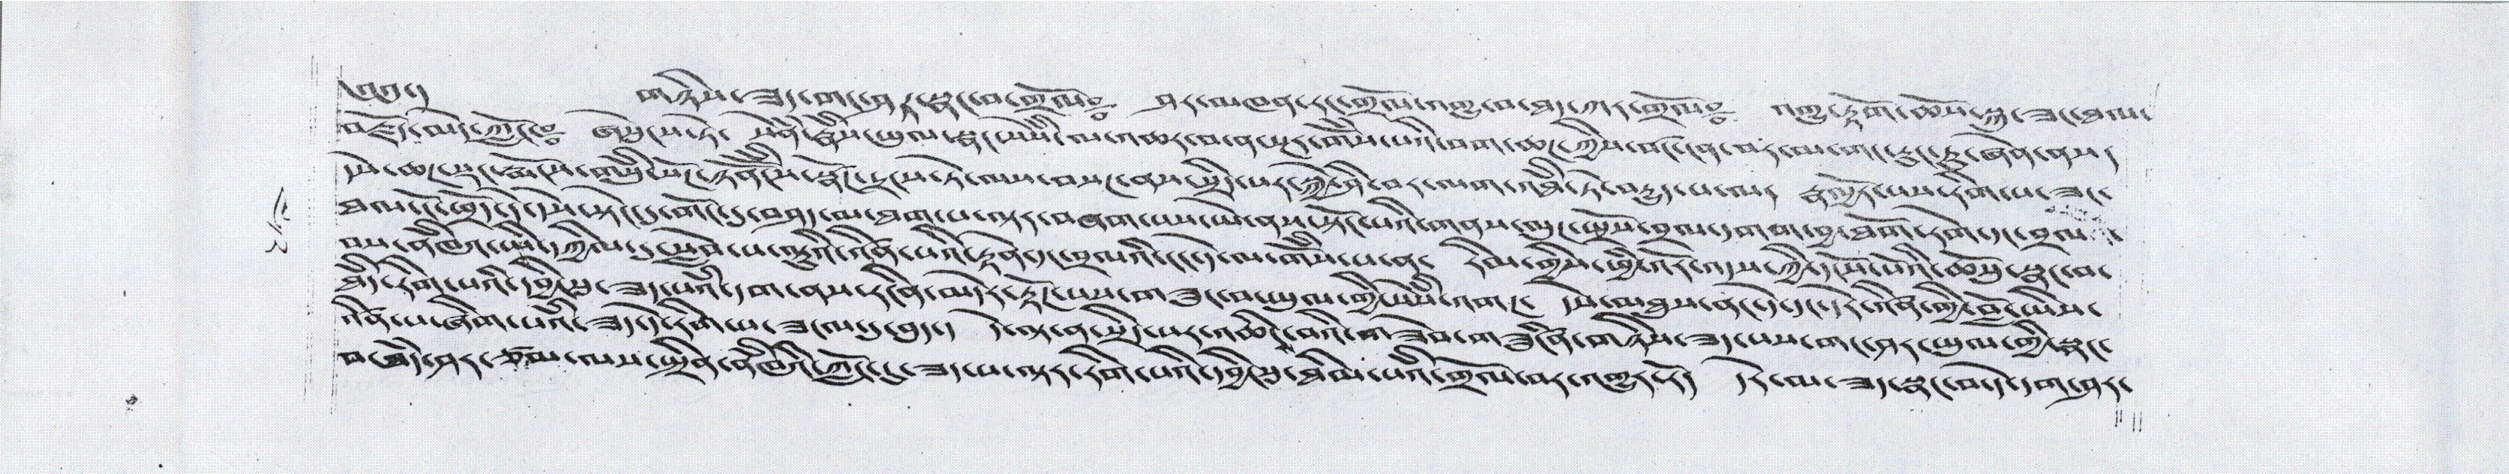གཉིས་ཟད་གང་ཤར་སྣང་བ་གྲོལཿ ཤར་མཁན་རང་གྲོལ་འགྱུ་བ་ཐད་ཀར་གྲོལཿ འགྱུ་རྟོག་ཆོས་སྐུ་ཟང་ཐལ་
བརྗོེད་མེད་ཀློངཿ ཞེས་གསུངས་ཏེ། སེམས་ཅན་རྣམས་ཡུལ་སྣང་སེམས་ལ་འཆར་བ་ན་སྔར་གོམས་པའི་བག་ཆགས་ཀྱིས་བཟང་ངན་བར་མ་གང་རུང་དུ་ཞེན་ནས་
དེས་ཆགས་སྡང་རྨོངས་གསུམ་སོགས་ཉོན་མོངས་སྣ་ཚོགས་དྲངས་ཏེ་ལས་བསགས་ནས་སྲིད་པར་སྐྱེ་ཤི་བར་ལག་འཐམས་ཏེ་བརྒྱུད་པ་ལ། རྣལ་འབྱོར་བས་རིག་པ་ཟང་
ཐལ་ངོ་འཕྲོད་དེ་དེའི་སྟེང་དུ་གོང་དུ་བཤད་མ་ཐག་པ་ལྟར་བཞག་པས་ཡེ་ནས་སྟོང་པའི་གནས་ལུགས་སྤྲོས་བྲལ་དགག་བྱ་ཐོག་རེག་དང་བྲལ་
བས་ནམ་མཁའ་ཡི་དཀྱིལ་དུ་སླེབས་པ་ལྟ་བུའི་འཛིན་པའི་རྟེན་དང་བྲལ་བའི་ངང་དེ་ལ་གོམས་པ་ན། རིམ་གྱིས་ཕྱི་འཁོར་འདས་ཀྱི་དངོས་པོའི་ཆོས་སུ་སྣང་བ་
ཐམས་ཅད་རིག་པའི་དབྱིངས་སུ་ཟད་པའམ་དག་ནས་རང་བཞིན་མེད་པར་རྟོགས་པས་བཟུང་བ་ཡུལ་གྱི་སེམས་འགག དེས་འཐུས་ནང་དེ་དང་དེར་འཛིན་གྱི་བློ་ཡིས་
འཛིན་པ་ཞིག་པའམ་ཟད་དེ་རིག་པ་ཟང་ཐལ་དུ་བུད། དེ་ལྟ་ན་སྲིད་པར་འཆིང་བའི་གཟེབ་གཟུང་འཛིན་གཉིས་ཟད་པས་གང་ཤར་ཡུལ་གྱི་སྣང་
བ་ཐམས་ཅད་ཤར་ཙམ་ལས་སྤྲིན་ནམ་མཁའི་ཀློང་དུ་ཟད་པ་ལྟར་རིག་པའི་དབྱིངས་སུ་ཟད་པའམ་ཐིམ་པར་འགྱུར་རོ། དེར་མ་ཟད་སྣང་བ་དེ་དག་ཤར་